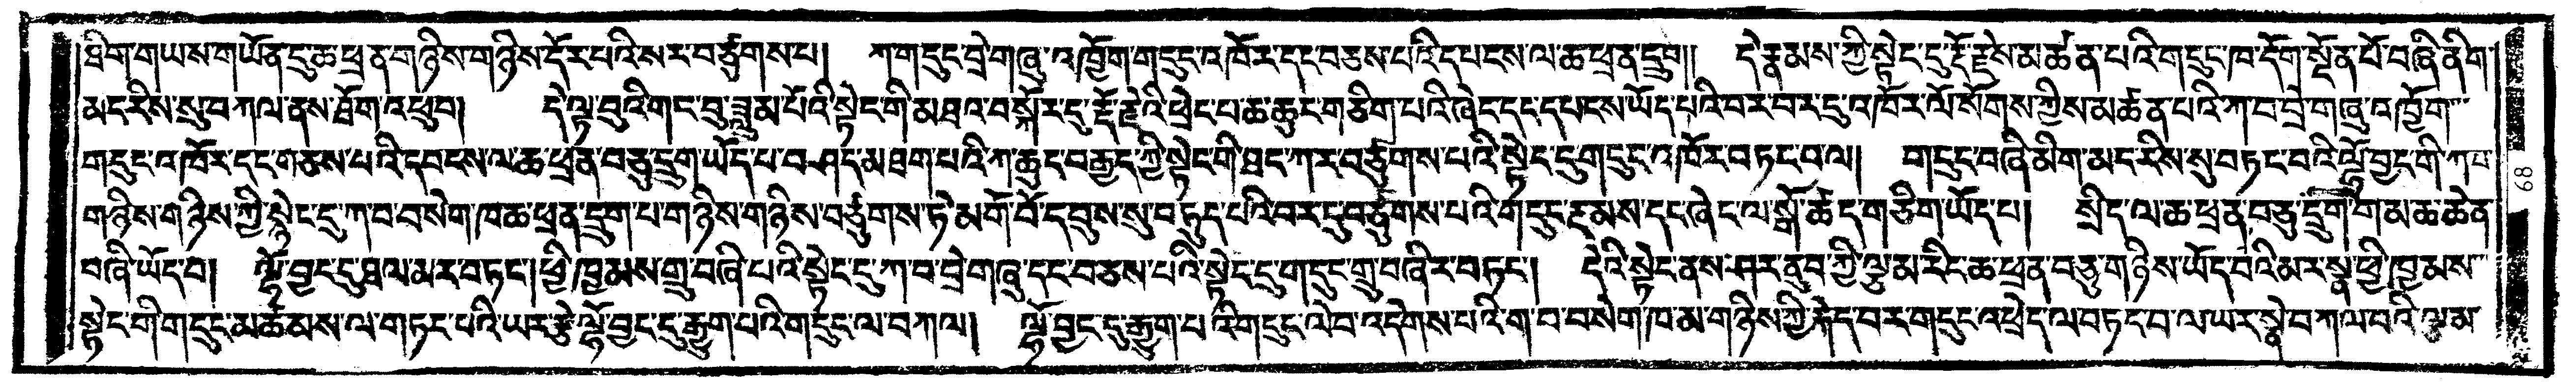ཐིག་གཡས་གཡོན་དུ་ཆ་ཕྲན་གཉིས་གཉིས་དོར་པའི་སར་བཙུགས་པ། ཀ་གདུང་བྲེ་གཞུ་འཁྱོག་གདུང་འཁོར་དང་བཅས་པའི་དཔངས་ལ་ཆ་ཕྲན་དྲུག། དེ་རྣམས་ཀྱི་སྟེང་དུ་རྡོ་རྗེས་མཚན་པའི་གདུང་ཁ་དོག་སྔོན་པོ་བཞིན་གི་
མང་རིས་སུ་བཀལ་ནས་ཐོག་འཕུབ། དེ་ལྟ་བུའི་གང་བུ་ཟླུམ་པོའི་སྟེང་གི་མཐའ་བསྐོར་དུ་རྡོ་རྗེའི་ཕྲེང་བ་ཆ་ཆུང་གཅིག་པའི་ཞེང་དང་དཔངས་ཡོད་པའི་བར་བར་དུ་འཁོར་ལོ་སོགས་ཀྱིས་མཚན་པའི་ཀ་བ་བྲེ་གཞུ་འཁྱོག་
གདུང་འཁོར་དང་གཅས་པའི་དཔངས་ལ་ཆ་ཕྲན་བཅུ་དྲུག་ཡོད་པ་བཤད་མཐག་པའི་ཀ་ཆུང་བརྒྱད་ཀྱི་སྟེང་གི་ཐང་ཀར་བཙུགས་པའི་སྟེང་དུ་གདུང་འཁོར་བཏང་བ་ལ། གདུང་བཞི་མིག་མང་རིས་སུ་བཏང་བའི་ལྷོ་བྱང་གི་ཀ་པ་
གཉིས་གཉིས་ཀྱི་སྙེང་དུ་ཀ་བ་བསེག་ཁ་ཆ་ཕྲན་དྲུག་པ་གཉིས་གཉིས་བཙུགས་ཏེ་མགོ་བོ་དབུས་སུ་བཏུད་པའི་བར་དུ་བཙུགས་པའི་གདུང་རྔམས་དང་ཞེང་ལ་སྒོ་ཚད་གཅིག་ཡོད་པ། སྲིད་ལ་ཆ་ཕྲན་བཅུ་དྲུག་གམ་ཆ་ཆེན་
བཞི་ཡོད་པ། ལྷོ་བྱང་དུ་ཐལ་མར་བཏང་། ཕྱི་ཁྱམས་གྲུ་བཞི་པའི་སྟེང་དུ་ཀ་བ་བྲེ་གཞུ་དང་བཅས་པའི་སྟེང་དུ་གདུང་གྲུ་བཞིར་བཏང་། དེའི་སྟེང་ནས་ཤར་ནུབ་ཀྱི་ལྕམ་རིང་ཆ་ཕྲན་བཅུ་གཉིས་ཡོད་པའི་མར་སྣ་ཕྱི་ཁྱམས་
སྟེང་གི་གདུང་མཚམས་ལ་གཏང་པའི་ཡང་རྩེ་ལྷོ་བྱང་དུ་རྒྱུག་པའི་གདུང་ལ་བཀལ། ལྷོ་བྱང་དུ་རྒྱུག་པའི་གདུང་ལེབ་འདེགས་པའི་ག་བ་བསེག་ཁ་མ་གཉིས་ཀྱི་རྐེད་པར་གདུང་འཕྲེད་ལ་བཏང་བ་ལ་ཡར་སྣེ་བཀལ་བའི་ལྕམ་